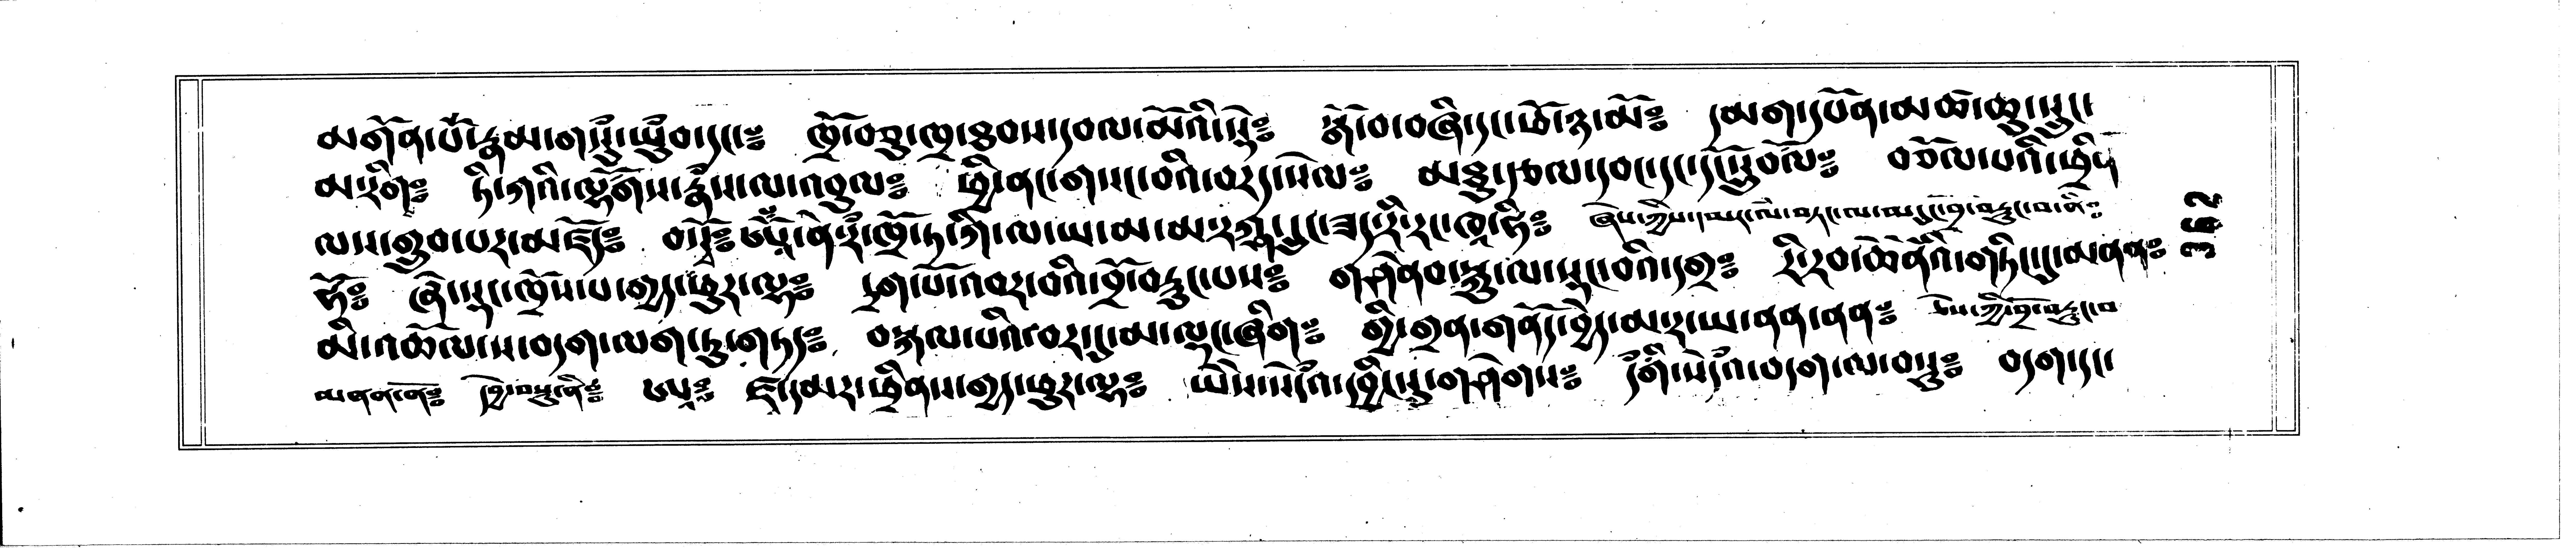མགོན་པོ་རྣམ་གསུམ་ཡབ་ཡུམ་དང་༔ ཁྲོ་བཅུ་ཁྲ་ཐབས་དབལ་མོའི་སྡེ༔ སྒོ་བ་བཞི་དང་ཕོ་ཉ་མོ༔ དམག་དཔོན་མཚོ་ཆུ་སྲུང་
མ་རིགས༔ ཏི་ཀའི་ལྷ་ཚོགས་རྣམས་ལ་འབུལ༔ ཕྱི་ནང་གསང་བའི་བར་ཆད་སེལ༔ མཐུ་རྩལ་དབང་དང་དངོས་གྲུབ་སྩོལ༔ བཅོལ་བའི་ཕྲིན་
ལས་གྲུབ་པར་མཛོད༔ བསྭོ༔ ཨཱོྃ་ནེ་རམ་ཁྲོ་ཏ་ཀི་ལ་ཡ་མ་མ་རཀྴ་དྲུང་ཟད་རི་རང་ཁཱ་ཧི༔ ཞེས་ཀྱིས་དམར་ལམ་བཏང་ལ་མདུང་བྲོ་བརྡུང་བ་ནི༔ 
ཧོ༔ ཞེ་སྡང་ཁྲོས་པ་གྱད་ཕུར་ལྷ༔ དྲག་པོ་འབར་བའི་བྲོ་བརྡུང་པས༔ གཤེན་རབ་སྐུ་ལ་སྡང་བའི་དགྲ༔ རི་རབ་ཆེན་པོའི་གཏིང་དུ་མནནཿ 
མི་འཆོལ་ས་བདག་ལག་ཏུ་གཏད༔ བསྐལ་པའི་བར་དུ་མ་ལྡང་ཞིག༔ གྱི་གྲན་གནོད་བྱེད་མ་ར་ཡ་ནན་ནན༔ ཅེས་ཀྱི་བྲོ་བརྡུང་བ་
མནན་ནོ༔ དབྱེ་བསྡུ་ནི༔ ཨཱ༔ ཛྭ་དམར་ཕྲིན་ལས་གྱད་ཕུར་ལྷ༔ ཡེ་ཤེས་སེམས་དཔའ་དབྱིངས་སུ་གཤེགས༔ དམ་ཚིག་སེམས་དཔའ་བདག་ལ་བསྡུ༔ བདག་དང་